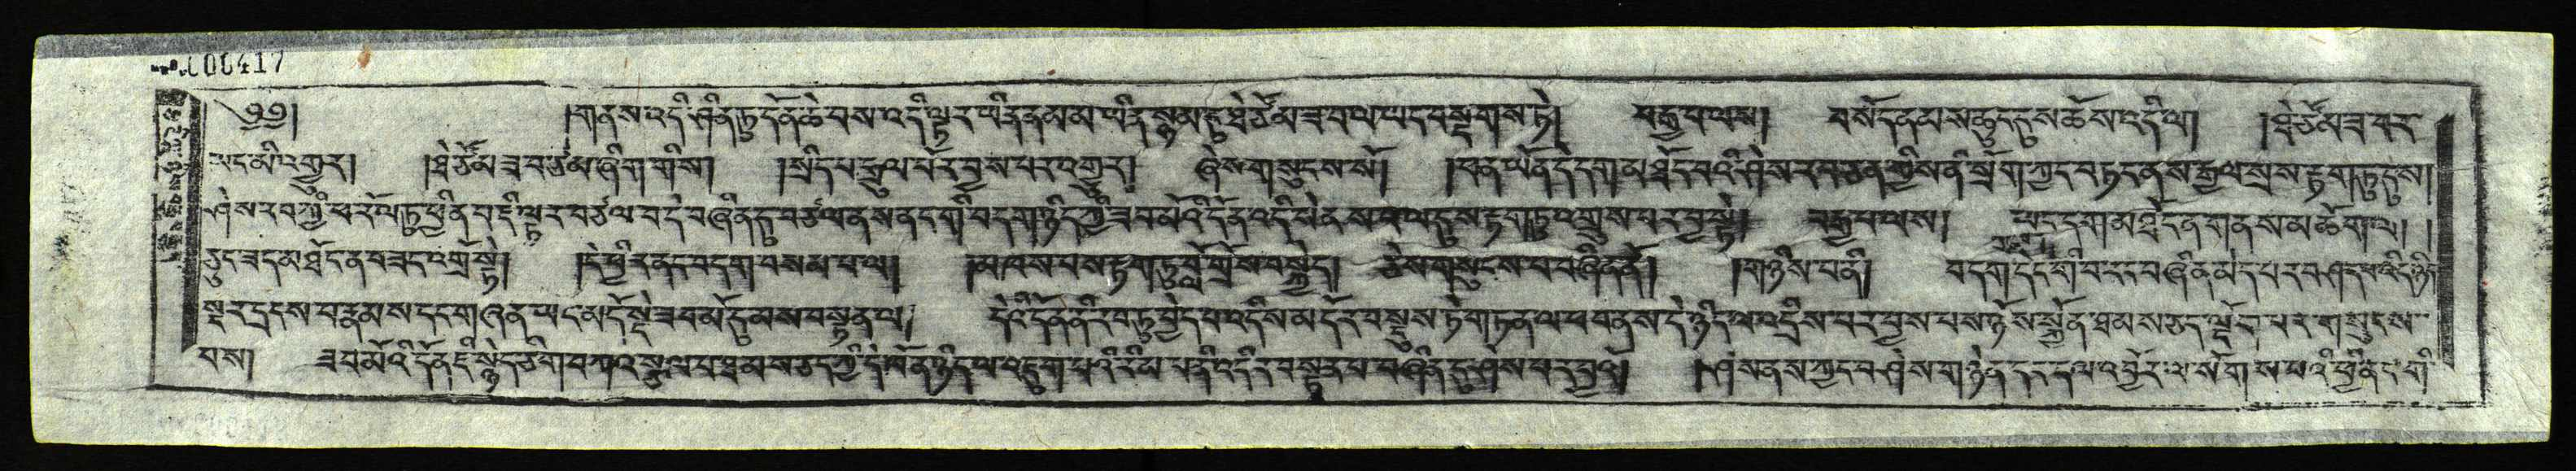༄༅། །གནས་འདི་ཤིན་ཏུ་དོན་ཆེ་བས་འདི་ལྟར་ཡིན་ནམ་མ་ཡིན་སྙམ་དུ་ཐེ་ཙོམ་ཟ་བ་ལ་ཡང་བསྔགས་ཏེ། བརྒྱ་པ་ལས། བསོད་ནམས་ཆུང་དུས་ཆོས་འདི་ལ། །ཐེ་ཙོམ་ཟ་བར་
ཡང་མི་འགྱུར། །ཐེ་ཙོམ་ཟ་བ་ཙམ་ཞིག་གིས། །སྲིད་པ་ཧྲུལ་པོར་བྱས་པར་འགྱུར། ཞེས་གསུངས་སོ། །ཕན་ཡོན་དེ་དག་མཐོང་བའི་ཤེས་རབ་ཅན་གྱིས་ནི་སྲོག་ཀྱང་བཏང་ནས་རྒྱལ་སྲས་རྟག་ཏུ་དུས།
ཤེས་རབ་ཀྱི་ཕ་རོལ་ཏུ་ཕྱིན་པ་ཇི་ལྟར་བཙལ་བ་དེ་བཞིན་དུ་བཙལ་ནས་ནང་གི་བདག་ཉིད་ཀྱི་ཟབ་མོའི་དོན་འདི་སེམས་པ་ལ་དུས་རྟག་ཏུ་འགྲུས་པར་བྱ་སྟེ། བརྒྱ་པ་ལས། ཡང་དག་མཐོང་ན་གནས་མཆོག་ལ། །
ཅུང་ཟད་མཐོང་ན་བཟང་འགྲོ་སྟེ། །དེ་ཕྱིར་ནང་བདག་བསམ་པ་ལ། །མཁས་པས་རྟག་ཏུ་བློ་གྲོས་བསྐྱེད། ཅེས་གསུངས་པ་བཞིན་ནོ། །གཉིས་པ་ནི། བདག་དང་གི་བ་རང་བཞིན་མེད་པར་བཤད་པ་འདི་ཉིད་
སྔར་དྲངས་པ་རྣམས་དང་གཞན་ཡང་མདོ་སྡེ་ཟབ་མོ་དུ་མས་བསྟན་ལ། དེའི་དོན་ནི་རབ་ཏུ་བྱེད་པ་འདིས་མདོར་བསྡུས་ཏེ་གཏན་ལ་ཕབ་ནས་དེ་ཉིད་ལ་འདྲིས་པར་བྱས་པས་ཉོས་སྐྱོན་ཐམས་ཅད་ལྡོག་པར་གསུངས་
པས། ཟབ་མོའི་དོན་ཇི་སྙེད་ཅིག་བཀའ་སྩལ་བ་ཐམས་ཅད་ཀྱི་དེ་ཁོ་ན་ཉིད་ལ་འཇུག་པའི་རིམ་པ་ནི་འདིར་བསྟན་པ་བཞིན་དུ་ཤེས་པར་བྱའོ། །ཤེས་ནས་ཀྱང་བཤེས་གཉེན་དང་དལ་འབྱོར་ལ་སོགས་པའི་ཕྱི་ནང་གི་